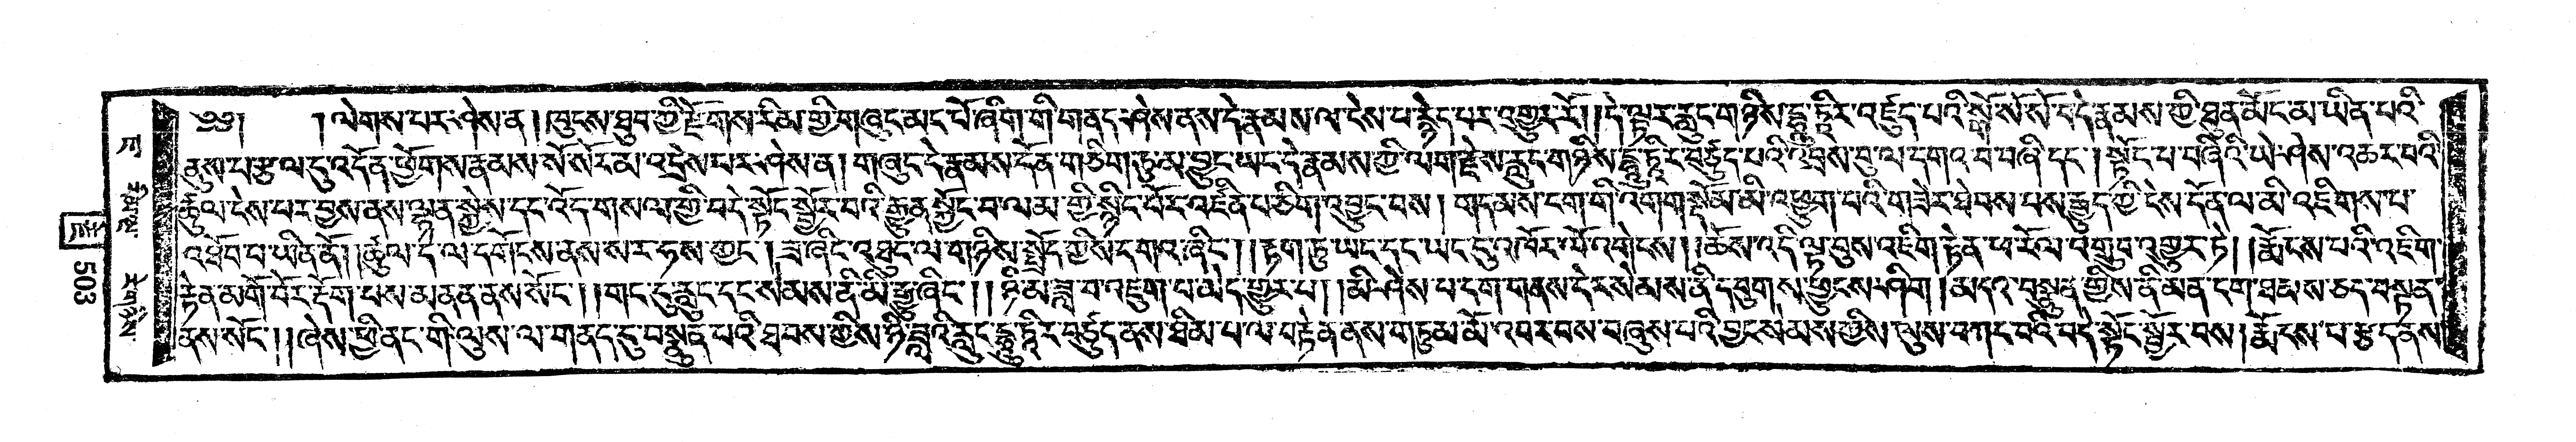༄༅། །ལེགས་པར་ཤེས་ན། ཁུངས་ཐུབ་ཀྱི་རྫོགས་རིམ་གྱི་གཞུང་མང་པོ་ཞིག་གི་གནད་ཤེས་ནས་དེ་རྣམས་ལ་ངེས་པ་རྙེད་པར་འགྱུར་རོ། །དེ་ལྟར་རླུང་གཉིས་དྷཱུ་ཏཱིར་འཛུད་པའི་སྒོ་སོ་སོ་བ་དེ་རྣམས་ཀྱི་ཐུན་མོང་མ་ཡིན་པའི་
ནུས་པ་རྩལ་དུ་འདོན་ཕྱོགས་རྣམས་སོ་སོར་མ་འདྲེས་པར་ཤེས་ན། གཞུང་དེ་རྣམས་དོན་གཅིག་ཏུ་མ་བྱུང་ཡང་དེ་རྣམས་ཀྱི་ལག་རྗེས་རླུང་གཉིས་དྷཱུ་ཏཱིར་བཙུད་པའི་འབྲས་བུ་ལ་དགའ་བ་བཞི་དང་། སྟོང་པ་བཞིའི་ཡེ་ཤེས་འཆར་བའི་
ཚུལ་ངེས་པར་བྱས་ནས་ལྷན་སྐྱེས་དང་འོད་གསལ་གྱི་བདེ་སྟོང་སྦྱོར་བའི་རྒྱུན་སྐྱོང?་བ་ལམ་གྱི་སྙིང་པོར་འཛིན་པ་ཅིག་འབྱུང་བས། གདམས་ངག་གི་འགག་སྡོམ་མི་འཕྱུག་པའི་གཟེར་ཐེབས་པས་རྒྱུད་ཀྱི་ངེས་དོན་ལ་མི་འཇིགས་པ་
འཐོབ་པ་ཡིན་ནོ། །ཚུལ་དེ་ལ་དགོངས་ནས་ས་ར་ཧས་ཀྱང་། ཟ་ཞིང་འཐུང་ལ་གཉིས་སྤྲོད་ཀྱིས་དགའ་ཞིང་། །རྟག་ཏུ་ཡང་དང་ཡང་དུ་འཁོར་ལོ་འགེངས། །ཆོས་འདི་ལྟ་བུས་འཇིག་རྟེན་ཕ་རོལ་འགྲུབ་འགྱུར་ཏེ། །རྨོངས་པའི་འཇིག་
རྟེན་མགོ་བོར་རྡོག་པས་མནན་ནས་སོང་། །གང་དུ་རླུང་དང་སེམས་ནི་མི་རྒྱུ་ཞིང་། །ཉི་མ་ཟླ་བ་འཇུག་པ་མེད་གྱུར་པ། །མི་ཤེས་པ་དག་གནས་དེར་སེམས་ནི་དབུགས་ཕྱུངས་ཤིག །མདའ་བསྣུན་གྱིས་ནི་མན་ངག་ཐམས་ཅད་བསྟན་
ནས་སོང་། །ཞེས་ཕྱི་ནང་གི་ལུས་ལ་གནད་དུ་བསྣུན་པའི་ཐབས་ཀྱིས་ཉི་ཟླའི་རླུང་དྷཱུ་ཏཱིར་བཙུད་ནས་ཐིམ་པ་ལ་བརྟེན་ནས་གཏུམ་མོ་འབར་བས་བཞུས་པའི་བྱང་སེམས་ཀྱིས་ལུས་བཀང་བའི་བདེ་སྟོང་སྦྱོར་བས། རྨོངས་པ་རྩད་ནས་